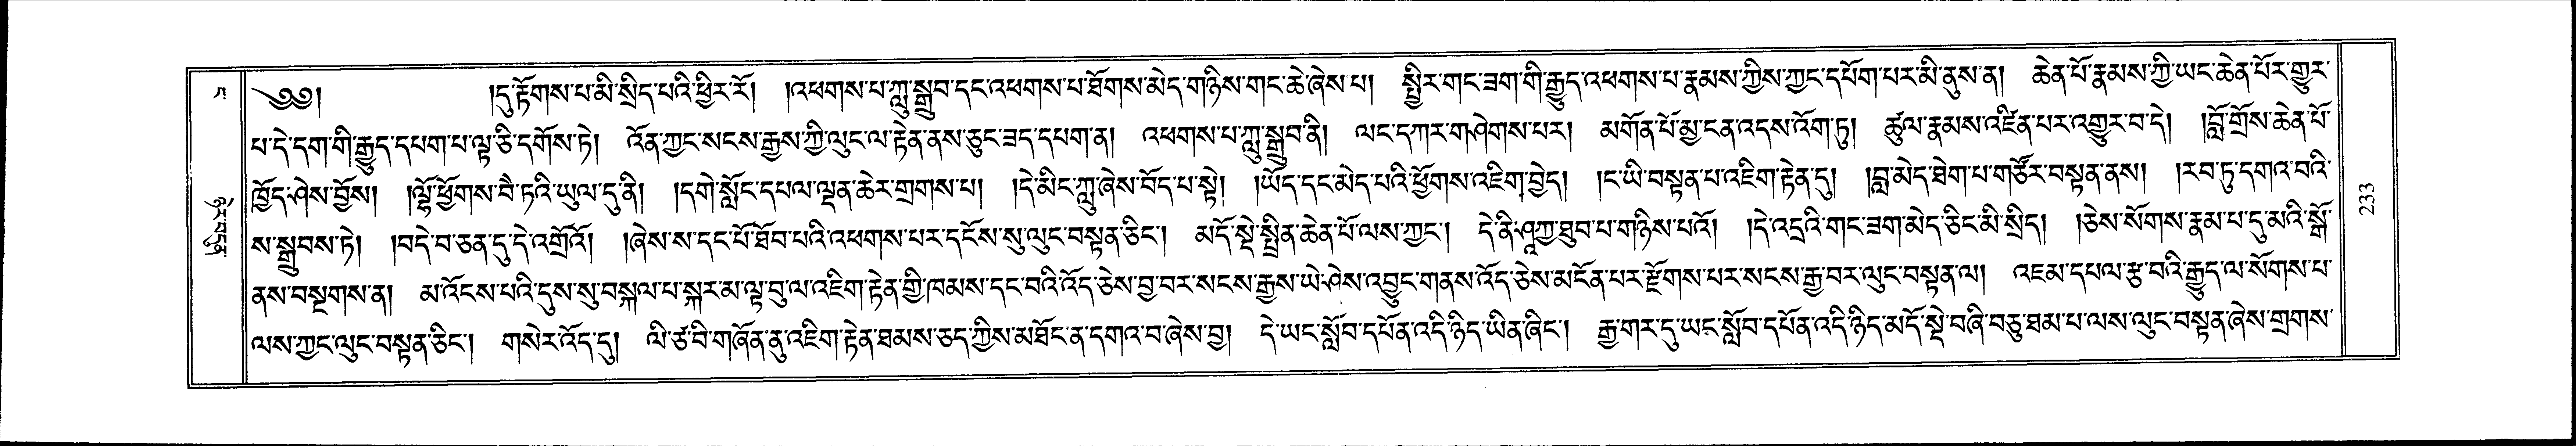༄༅། །དུ་རྟོགས་པ་མི་སྲིད་པའི་ཕྱིར་རོ། །འཕགས་པ་ཀླུ་སྒྲུབ་དང་འཕགས་པ་ཐོགས་མེད་གཉིས་གང་ཆེ་ཞེས་པ། སྤྱིར་གང་ཟག་གི་རྒྱུད་འཕགས་པ་རྣམས་ཀྱིས་ཀྱང་དཔོག་པར་མི་ནུས་ན། ཆེན་པོ་རྣམས་ཀྱི་ཡང་ཆེན་པོར་གྱུར་
པ་དེ་དག་གི་རྒྱུད་དཔག་པ་ལྟ་ཅི་དགོས་ཏེ། འོན་ཀྱང་སངས་རྒྱས་ཀྱི་ལུང་ལ་རྟེན་ནས་ཅུང་ཟད་དཔག་ན། འཕགས་པ་ཀླུ་སྒྲུབ་ནི། ལང་དཀར་གཤེགས་པར། མགོན་པོ་མྱ་ངན་འདས་འོག་ཏུ། ཚུལ་རྣམས་འཛིན་པར་འགྱུར་བ་དེ། །བློ་གྲོས་ཆེན་པོ་
ཁྱོད་ཤེས་བྱོས། །ལྷོ་ཕྱོགས་བཻ་ཏའི་ཡུལ་དུ་ནི། །དགེ་སློང་དཔལ་ལྡན་ཆེར་གྲགས་པ། །དེ་མིང་ཀླུ་ཞེས་བོད་པ་སྟེ། །ཡོད་དང་མེད་པའི་ཕྱོགས་འཇིག་བྱེད། །ང་ཡི་བསྟན་པ་འཇིག་རྟེན་དུ། །བླ་མེད་ཐེག་པ་གཙོར་བསྟན་ནས། །རབ་ཏུ་དགའ་བའི་
ས་སྒྲུབས་ཏེ། །བདེ་བ་ཅན་དུ་དེ་འགྲོའོ། །ཞེས་ས་དང་པོ་ཐོབ་པའི་འཕགས་པར་དངོས་སུ་ལུང་བསྟན་ཅིང་། མདོ་སྡེ་སྤྲིན་ཆེན་པོ་ལས་ཀྱང་། དེ་ནི་ཤཱཀྱ་ཐུབ་པ་གཉིས་པའོ། །དེ་འདྲའི་གང་ཟག་མེད་ཅིང་མི་སྲིད། །ཅེས་སོགས་རྣམ་པ་དུ་མའི་སྒོ་
ནས་བསྔགས་ན། མ་འོངས་པའི་དུས་སུ་བསྐལ་པ་སྐར་མ་ལྟ་བུ་ལ་འཇིག་རྟེན་གྱི་ཁམས་དང་བའི་འོད་ཅེས་བྱ་བར་སངས་རྒྱས་ཡེ་ཤེས་འབྱུང་གནས་འོད་ཅེས་མངོན་པར་རྫོགས་པར་སངས་རྒྱ་བར་ལུང་བསྟན་ལ། འཇམ་དཔལ་རྩ་བའི་རྒྱུད་ལ་སོགས་པ་
ལས་ཀྱང་ལུང་བསྟན་ཅིང་། གསེར་འོད་དུ། ལི་ཙ་བི་གཞོན་ནུ་འཇིག་རྟེན་ཐམས་ཅད་ཀྱིས་མཐོང་ན་དགའ་བ་ཞེས་བྱ། དེ་ཡང་སློབ་དཔོན་འདི་ཉིད་ཡིན་ཞིང་། རྒྱ་གར་དུ་ཡང་སློབ་དཔོན་འདི་ཉིད་མདོ་སྡེ་བཞི་བཅུ་ཐམ་པ་ལས་ལུང་བསྟན་ཞེས་གྲགས་